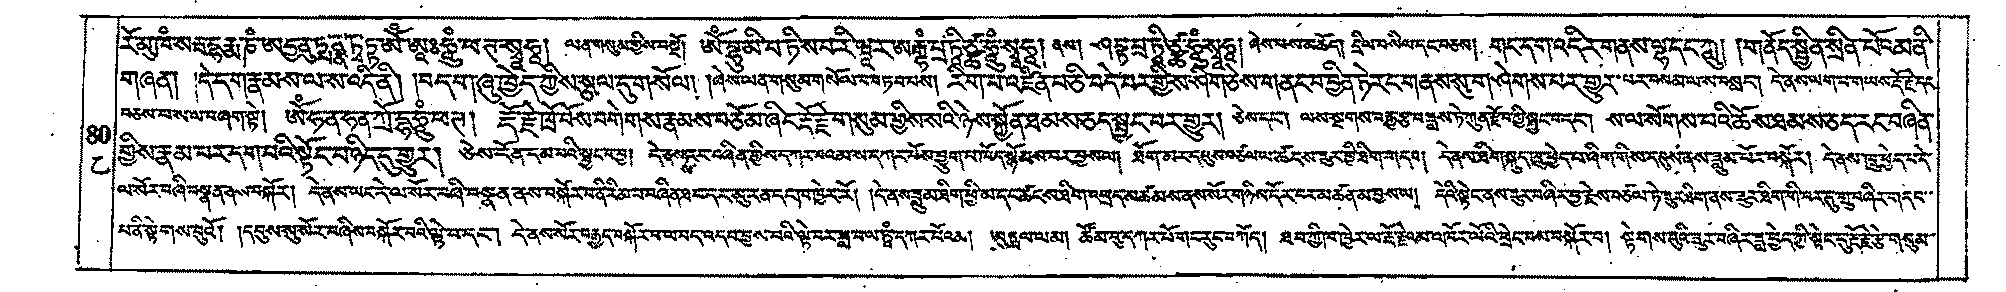རོ་མུ་ཁཾ་སརྦ་དྷརྨ་ཎཾ་ཨདྱ་ནུ་ཏྤ་ནྣ་ཏྭ་ཏྟ་ཨོཾ་ཨཱཿ ཧཱུཾ་ཕཊ་སྭཱཧཱ། ལན་གསུམ་གྱིས་བསྔོ།  ཨོཾ་བྷུ་མི་པ་ཏི་ས་པ་རི་ཝཱ་ར་ཨརྒྷཾ་པྲ་ཏཱི་ཙྪ་ཧཱུཾ་སྭཱཧཱ། ནས།  ཤཔྟ་པྲ་ཏཱི་ཙྪ་ཧཱུཾ་སྭཱཧཱ། ཞེས་པས་མཆོད། དྲིལ་བསིལ་དང་བཅས།  གང་དག་འདིར་གནས་ལྷ་དང་ཀླུ། །གནོད་སྦྱིན་སྲིན་པོའམ་ནི་
གཞན། །དེ་དག་རྣམས་ལ་ས་འདི་ནི། །བདག་ཞུ་ཁྱེད་ཀྱིས་སྩལ་དུ་གསོལ། །ཞེས་ལན་གསུམ་གསོལ་བ་བཏབ་པས།  རིག་པ་འཛིན་པ་ཅི་བདེ་བར་གྱིས་ཤིག་ཅེས་གནང་བ་བྱིན་ཏེ་རང་གནས་སུ་གཤེགས་པར་གྱུར་པར་བསམ་ལས་བསླང་། དེ་ནས་ལག་པ་གཡས་རྡོ་རྗེ་དང་
བཅས་པས་ལ་བཞག་སྟེ། ཨོཾ་ཧ་ན་ཧ་ན་ཀྲོ་དྷ་ཧཱུཾ་ཕཊ། རྡོ་རྗེ་ཁྲོ་བོས་བགེགས་རྣམས་བཅོམ་ཞིང་རྡོ་རྗེ་གསུམ་གྱིས་སའི་ཉེས་སྐྱོན་ཐམས་ཅད་སྦྱང་བར་གྱུར། ཅེས་དང་། ལས་སྔགས་བརྒྱ་རྩ་བཟླས་ཏེ་ཀུན་རྫོབ་ཀྱི་སྦྱང་བ་དང་།  ས་ལ་སོགས་པའི་ཆོས་ཐམས་ཅད་རང་བཞིན་
གྱིས་རྣམ་པར་དག་པའི་སྟོང་པ་ཉིད་དུ་གྱུར། ཅེས་དོན་དམ་པའི་སྦྱང་བ་བྱ། དེ་ནས་ས་རང་བཞིན་གྱིས་དཀར་བའམ་ས་དཀར་པོས་བྱུག་པ་ཁོད་སྙོམས་པར་བྱས་ལ། ཐོག་མར་དབུས་བཙལ་ལ་ཚངས་ཟུར་གྱི་ཐིག་གདབ། དེ་ནས་ཐིག་སྐུད་ཁྲུ་ཕྱེད་པ་ཞིག་གིས་དབུས་ནས་ཟླུམ་པོར་བསྐོར། དེ་ནས་ཁྲུ་ཕྱེད་པ་དེ་
ལ་སོར་བཞི་བསྣན་ནས་བསྐོར། དེ་ནས་ཡང་དེ་ལ་སོར་བཞི་བསྣན་ནས་བསྐོར་བ་ནི་རིམ་པ་བཞིན་ཐབ་དང་མུ་རན་དང་ཁ་ཁྱེར་རོ། །དེ་ནས་ཟླུམ་ཐིག་ཕྱི་མ་དང་ཚངས་ཐིག་འཕྲད་མཚམས་ནས་སོར་གཉིས་དོར་བར་མཚན་མ་བྱས་ལ། དེའི་སྟེང་ནས་ཟུར་བཞིར་བྱ་རྗེས་བཙལ་ཏེ་ཟུར་ཐིག་ནས་ཟུར་ཐིག་གི་བར་དུ་གྲུ་བཞིར་གདབ་་་
པ་ནི་སྟེགས་བུའོ། །དབུས་སུ་སོར་བཞིས་བསྐོར་བའི་ལྟེ་བ་དང་། དེ་ནས་སོར་བརྒྱད་བསྐོར་བ་ལ་པད་འདབ་བྱས་པའི་ལྟེ་བར་ཟླ་བ་ལ་ཏཱཾ་དཀར་པོའམ། ཨུཏྤལ་ལམ། ཚོམ་བུ་དཀར་པོ་གང་རུང་བཀོད། ཐབ་ཀྱི་ཁ་ཁྱེར་ལ་རྡོ་རྗེའམ་འཁོར་ལོའི་ཕྲེང་བས་བསྐོར་བ། སྟེགས་བུའི་ཟུར་བཞིར་ཟླ་ཕྱེད་ཀྱི་སྟེང་དུ་རྡོ་རྗེ་རྩེ་གསུམ་་་